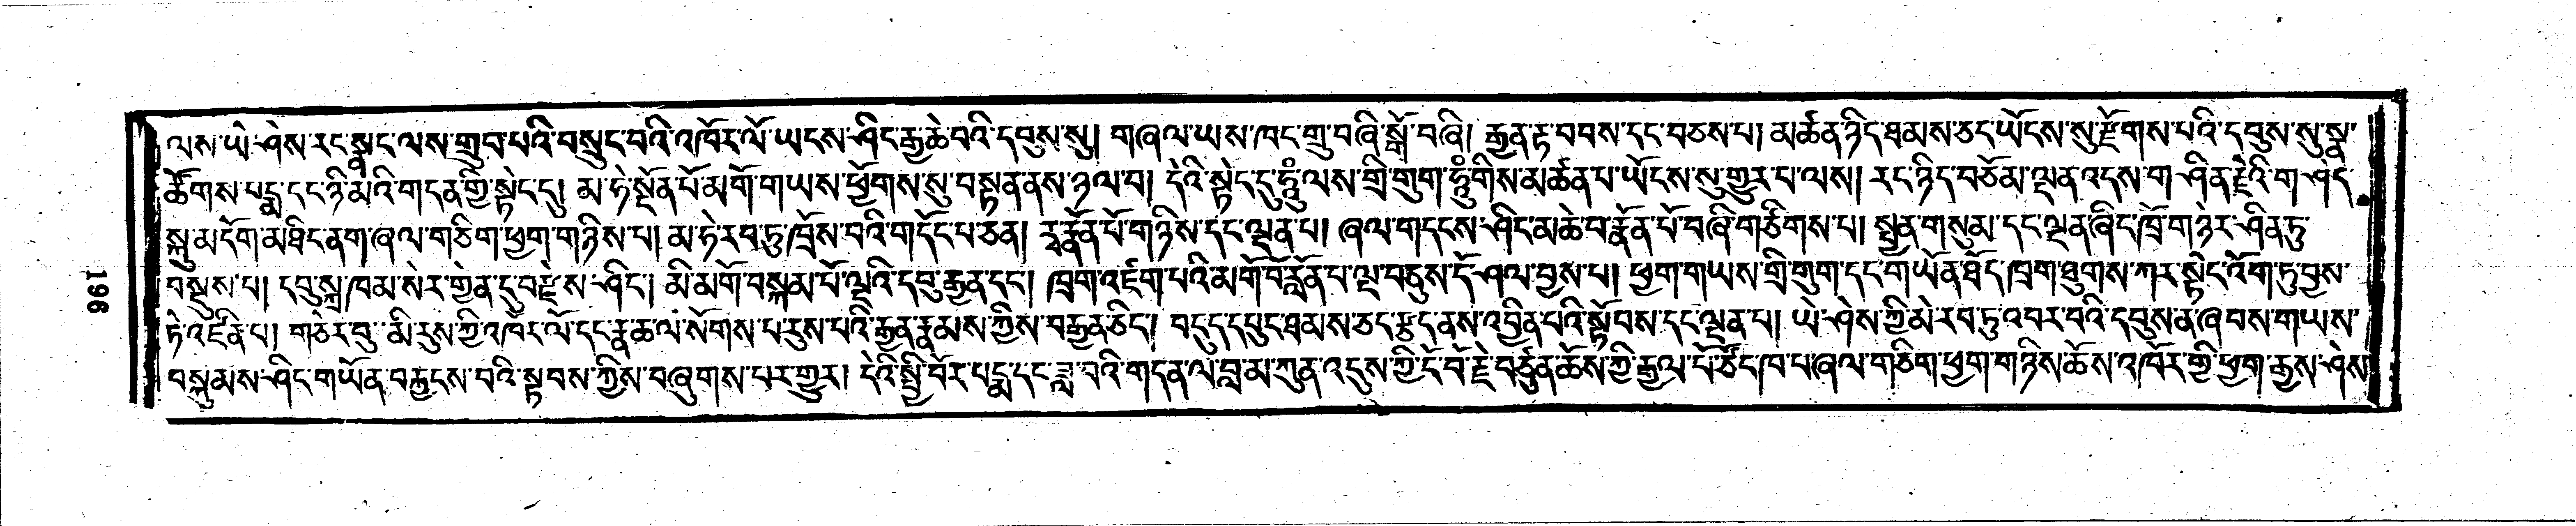ལས་ཡེ་ཤེས་རང་སྣང་ལས་གྲུབ་པའི་བསྲུང་བའི་འཁོར་ལོ་ཡངས་ཤིང་རྒྱ་ཆེ་བའི་དབུས་སུ། གཞལ་ཡས་ཁང་གྲུ་བཞི་སྒོ་བཞི། རྒྱན་རྟ་བབས་དང་བཅས་པ། མཚན་ཉིད་ཐམས་ཅད་ཡོངས་སུ་རྫོགས་པའི་དབུས་སུ་སྣ་
ཚོགས་པདམ་དང་ཉི་མའི་གདན་གྱི་སྟེང་དུ། མ་ཧེ་སྔོན་པོ་མགོ་གཡས་ཕྱོགས་སུ་བསྟན་ནས་ཉལ་བ། དེའི་སྟེང་དུ་ཧཱུཾ་ལས་གྲི་གུག་ཧཱུཾ་གིས་མཚན་པ་ཡོངས་སུ་གྱུར་པ་ལས། རང་ཉིད་བཅོམ་ལྡན་འདས་གཤིན་རྗེའི་གཤེད་
སྐུ་མདོག་མཐིང་ནག་ཞལ་གཅིག་ཕྱག་གཉིས་པ། མ་ཧེ་རབ་ཏུ་ཁྲོས་པའི་གདོང་པ་ཅན། རྭ་རྣོན་པོ་གཉིས་དང་ལྡན་པ། ཞལ་གདངས་ཤིང་མཆེ་བ་རྣོན་པོ་བཞི་གཙིགས་པ། སྤྱན་གསུམ་དང་ལྡན་ཞིང་ཁྲོ་གཉེར་ཤིན་ཏུ་
བསྡུས་པ། དབུ་སྐྲ་ཁམ་སེར་གྱེན་དུ་བརྫེས་ཤིང་། མི་མགོ་བསྐམ་པོ་ལྔའི་དབུ་རྒྱན་དང་། །ཁྲག་འཛག་པའི་མགོ་བོ་རློན་པ་ལྔ་བཅུས་དོ་ཤལ་བྱས་པ། ཕྱག་གཡས་གྲི་གུག་དང་གཡོན་ཐོད་ཁྲག་ཐུགས་ཀར་སྟེང་འོག་ཏུ་བྱས་
ཏེ་འཛིན་པ། གཅེར་བུ་མི་རུས་ཀྱི་འཁོར་ལོ་དང་རྣ་ཆ་ལ་སོགས་པ་རུས་པའི་རྒྱན་རྣམས་ཀྱིས་བརྒྱན་ཅིང་། བདུད་དཔུང་ཐམས་ཅད་རྩད་ནས་འབྱིན་པའི་སྟོབས་དང་ལྡན་པ། ཡེ་ཤེས་ཀྱི་མེ་རབ་ཏུ་འབར་བའི་དབུས་ན་ཞབས་གཡས་
བསྐུམས་ཤིང་གཡོན་བརྐྱངས་པའི་སྟབས་ཀྱིས་བཞུགས་པར་གྱུར། དེའི་སྤྱི་བོར་པདམ་དང་ཟླ་བའི་གདན་ལ་བླ་མ་ཀུན་འདུས་ཀྱི་ངོ་བོ་རྗེ་བཙུན་ཆོས་ཀྱི་རྒྱལ་པོ་ཙོང་ཁ་པ་ཞལ་གཅིག་ཕྱག་གཉིས་ཆོས་འཁོར་གྱི་ཕྱག་རྒྱས་ཤེས་